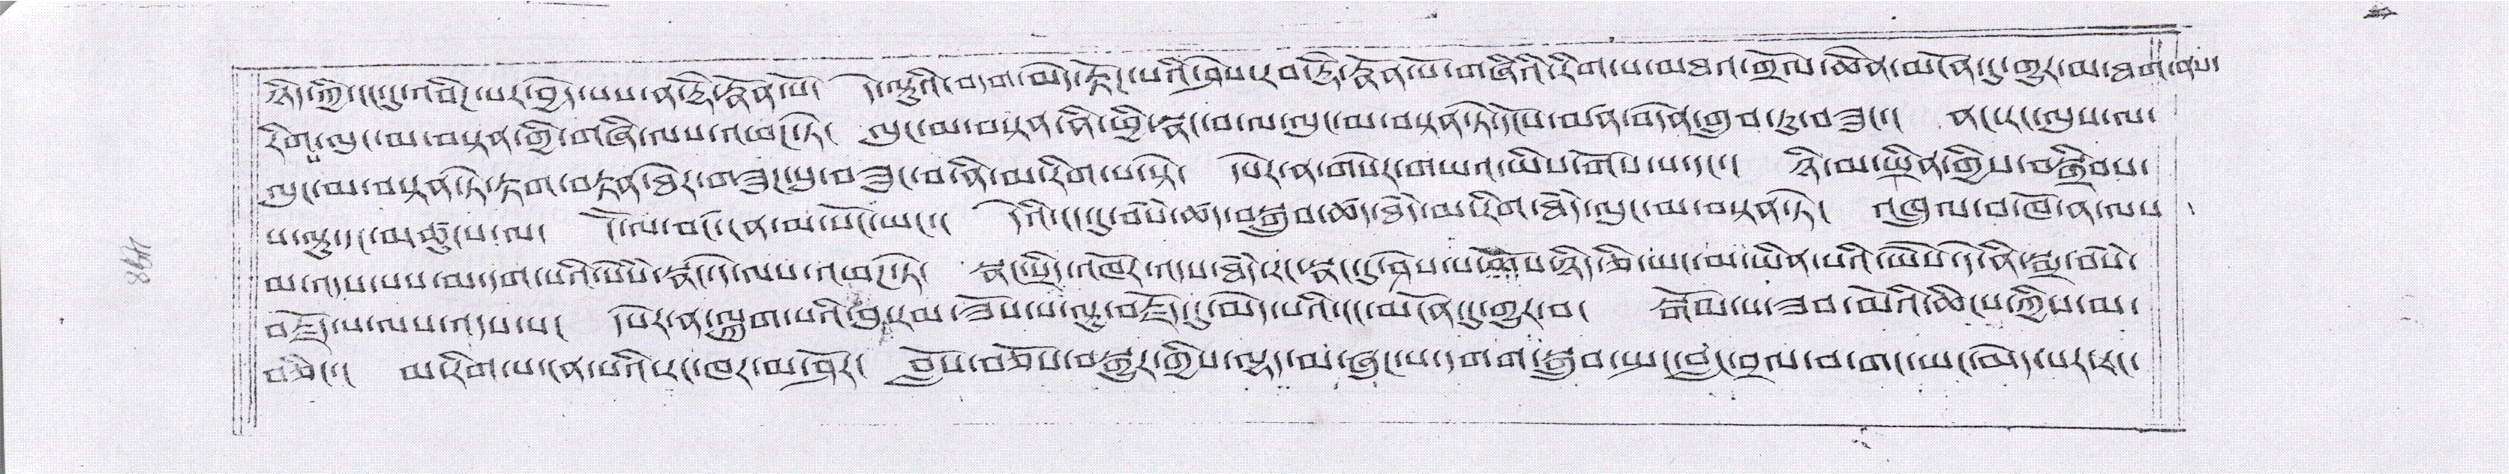ཉིད་ཀྱི་ངང་དུ་འབིགས་པར་བྱེད་པས་ན་རྡོ་རྗེ་རྣོན་པོ། དེ་ལྟ་བུ་བདག་མེད་རྟོགས་པའི་ཤེས་རབ་རྡོ་རྗེ་རྣོན་པོ་གཞིའི་རིག་པ་མཐའ་གྲོལ་ཆེན་པོ་མངོན་དུ་གྱུར་མ་ཐག་ནས་
རིག་པ་ལུང་མ་བསྟན་གྱི་གཞི་ལ་འཕགས་ཏེ། ལུང་མ་བསྟན་ནི་ཕྱི་སྣང་བ་ལ་ལུང་མ་བསྟན་ཏེ། དངོས་མཚན་བདེན་གྲུབ་ཏུ་བཟུང་། ནང་རང་ལུས་ལ་
ལུང་མ་བསྟན་ཏེ། རྟག་བརྟན་ཐེར་ཟུག་ཏུ་བཟུང་བ་ནི་མ་རིག་པ་སྟེ། དཔེར་ན་གསེར་གཡའ་ཡིས་གོས་པ་དང་། ཉི་མ་སྤྲིན་གྱིས་བསྒྲིབས་
པ་ལྟ་བུ་དང་མཚུངས་ལ། ངོ་བོ་ལ་བཟང་ངན་མ་སོང་ཡང་། དེའི་ངང་དུ་བསམ་ཚད་བསྒྲུབ་ཚད་ཐམས་ཅད་མ་རིག་ཐམས་ཅད་ལུང་མ་བསྟན་ཏེ། འཁྲུལ་པ་ཁོ་ན་ལས་
མ་འདས་པས་མ་དག་པའི་སེམས་སྣང་དེ་ལས་འཕགས་ཏེ། སྣང་སྲིད་འཁོར་འདས་ཐམས་ཅད་རང་སྣང་དུ་ཤེས་པ་ཆོས་ཉིད་ཅི་ཡང་མ་ཡིན་པའི་ཡེ་ཤེས་དེ་ནི་སྨྲ་བསམ་
བརྗོད་པ་ལས་འདས་པ། དཔེར་ན་ལྐུགས་པས་བུ་རམ་ཟོས་པ་ལྟ་བུ་བརྗོད་དུ་མེད་པའི་ངང་མངོན་དུ་གྱུར་པ། སྒོམ་པ་ཟབ་མོའི་ཆིངས་ཀྱིས་མ་
བཅིངས། མ་རིག་པ་ངན་པའི་རང་ཁར་མ་ཤོར། བློས་བཅོས་སྒྱུར་གྱི་ལྷད་མ་ཞུགས་པ། དགག་སྒྲུབ་སྤང་བླང་བྲལ་བ་གང་ཡང་མེད་པར་རང་